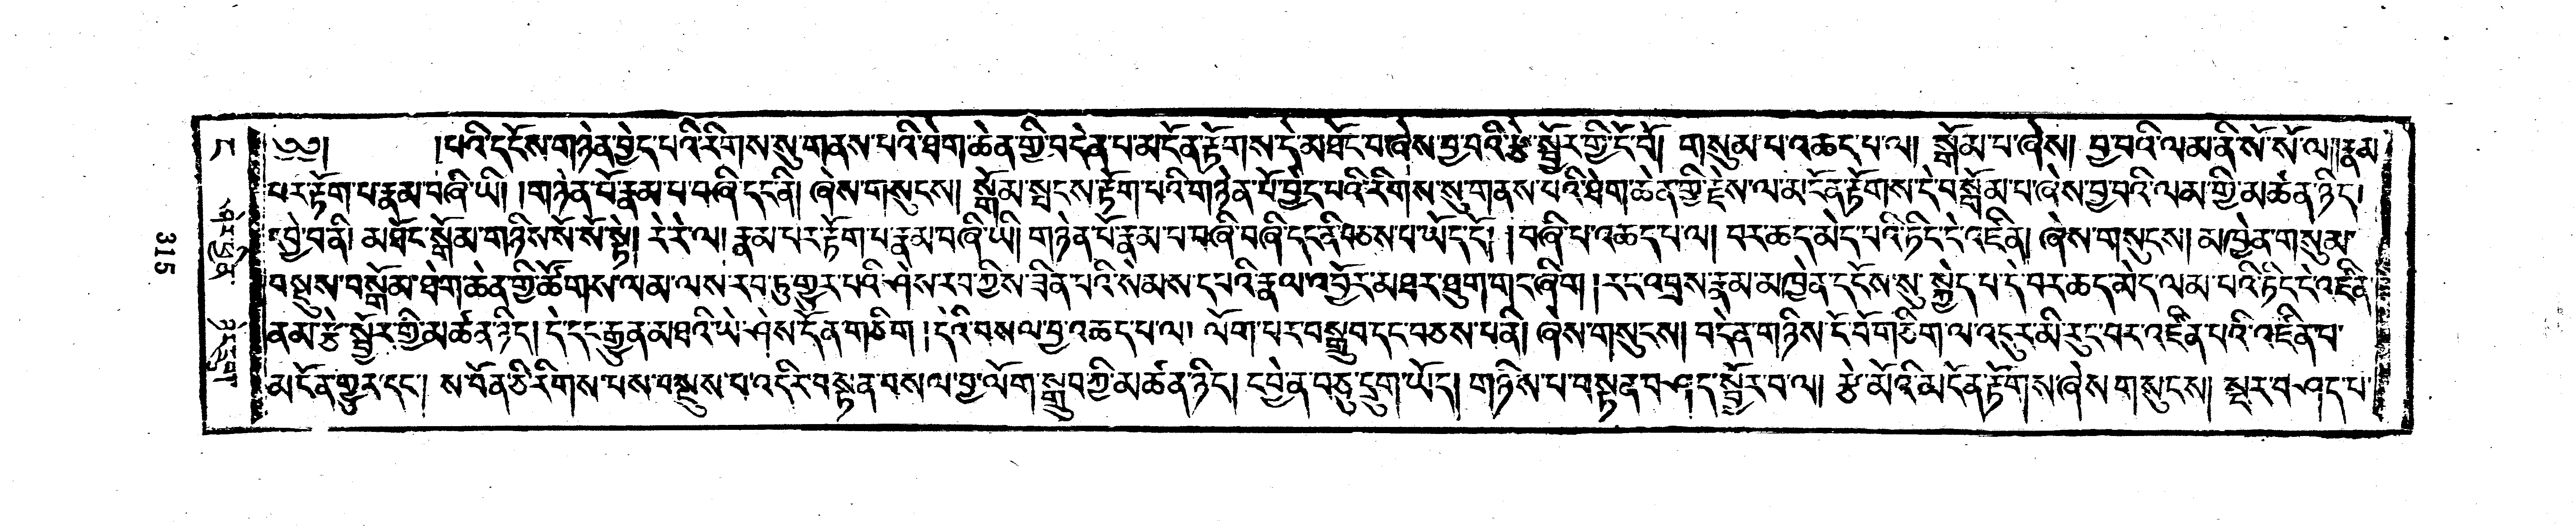༄༅། །པའི་དངོས་གཉེན་བྱེད་པའི་རིགས་སུ་གནས་པའི་ཐེག་ཆེན་གྱི་བདེན་པ་མངོན་རྟོགས་དེ་མཐོང་བ་ཞེས་བྱ་བའི་རྩེ་སྦྱོར་གྱི་ངོ་བོ། གསུམ་པ་འཆད་པ་ལ། སྒོམ་པ་ཞེས། བྱ་བའི་ལམ་ནི་སོ་སོ་ལ། །རྣམ་
པར་རྟོག་པ་རྣམ་བཞི་ཡི། །གཉེན་པོ་རྣམ་པ་བཞི་དང་ནི། ཞེས་གསུངས། སྒོམ་སྤངས་རྟོག་པའི་གཉེན་པོ་བྱེད་པའི་རིགས་སུ་གནས་པའི་ཐེག་ཆེན་གྱི་རྗེས་ལ་མངོན་རྟོགས་དེ་བསྒོམ་པ་ཞེས་བྱ་བའི་ལམ་གྱི་མཚན་ཉིད།
དབྱེ་བ་ནི། མཐོང་སྒོམ་གཉིས་སོ་སོ་སྟེ། རེ་རེ་ལ། རྣམ་པར་རྟོག་པ་རྣམ་བཞི་ཡི། གཉེན་པོ་རྣམ་པ་བཞི་བཞི་དང་ནི་བཅས་པ་ཡོད་དོ། །བཞི་པ་འཆད་པ་ལ། བར་ཆད་མེད་པའི་ཏིང་ངེ་འཛིན། ཞེས་གསུངས། མཁྱེན་གསུམ་
བསྡུས་བསྒོམ་ཐེག་ཆེན་གྱི་ཚོགས་ལམ་ལས་རབ་ཏུ་གྱུར་པའི་ཤེས་རབ་ཀྱིས་ཟིན་པའི་སེམས་དཔའི་རྣལ་འབྱོར་མཐར་ཐུག་གང་ཞིག །རང་འབྲས་རྣམ་མཁྱེན་དངོས་སུ་སྐྱེད་པ་དེ་བར་ཆད་མེད་ལམ་པའི་ཏིང་ངེ་འཛིན་
ནམ་རྩེ་སྦྱོར་གྱི་མཚན་ཉིད། དེ་དང་རྒྱུན་མཐའི་ཡེ་ཤེས་དོན་གཅིག །དེའི་བསལ་བྱ་འཆད་པ་ལ། ལོག་པར་བསྒྲུབ་དང་བཅས་པ་ནི། ཞེས་གསུངས། བདེན་གཉིས་ངོ་བོ་གཅིག་ལ་འདུར་མི་རུང་བར་འཛིན་པའི་འཛིན་པ་
མངོན་གྱུར་དང་། ས་བོན་ཅི་རིགས་པས་བསྡུས་པ་འདིར་བསྟན་བསལ་བྱ་ལོག་སྒྲུབ་ཀྱི་མཚན་ཉིད། དབྱེ་ན་བཅུ་དྲུག་ཡོད། གཉིས་པ་བསྟན་བཤད་སྦྱོར་བ་ལ། རྩེ་མོའི་མངོན་རྟོགས་ཞེས་གསུངས། སྔར་བཤད་པ་